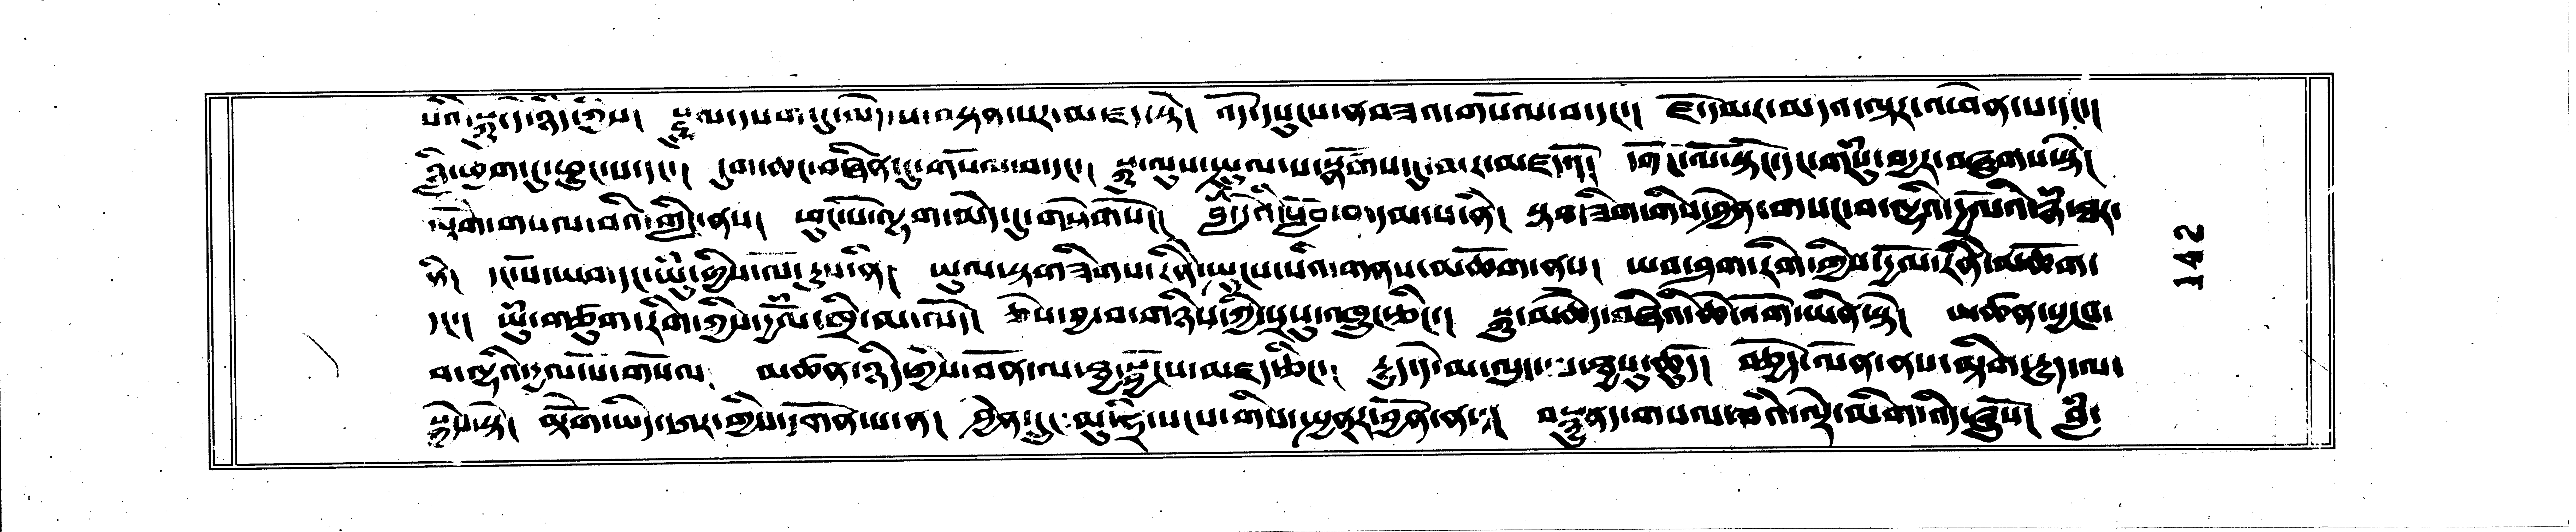པའི་སྐུ་དེ་ཉིད་ཀྱིས། རྫུ་འཕྲུལ་དཔག་ཏུ་མེད་པ་བསྟན་པར་མཛད་དེ། འོད་དཔུང་ན་བཟའ་གསོལ་བ་དང་། ཛོ་དམར་མདའ་ལྟར་འཕེན་པ་དང་། 
ཉི་ཟླ་ཕྱག་ཏུ་ཕྱུང་བ་དང་། དུག་ཆང་བཞིན་དུ་གསོལ་བ་དང་། སྐུ་ལུས་སྤྲུལ་པ་སྣ་ཚོགས་དུ་མར་མཛད་དོ། དགོང་ལོ་སྟོང་དང་སུམ་བརྒྱར་བཞུགས་ཏེ། 
མེ་ཏོག་གསལ་བའི་གླིང་ནས། ཕུང་པོ་ལྷག་མེད་དུ་གཤེགས་སོ། །བླ་མ་དེའི་སློབ་མ་དམ་པ་ནི། སྟག་གཟིག་གིས་གཤེན་གསང་བ་ལྷའི་རྒྱལ་པོའི་རྣམ་ཐར་
ནི། དང་པོ་ཡབ་དང་ཡུམ་གྱི་ལོ་རྒྱུས་ནི། ཡུལ་སྟག་གཟིག་རིན་ཆེན་སྤུངས་པའི་གནས་མཆོག་ནས། ཡབ་ཤཱཀ་རིགས་ཀྱི་རྒྱལ་པོ་རིན་ཆེན་མཆོག་
དང་། ཡུམ་གཙུག་རིགས་ཀྱིས་རྒྱལ་པོ་ཁྲི་མ་ལོད། ཅེས་བྱ་བ་གཉིས་ཀྱི་སྲས་སུ་འཁྲུངས་ཅིང་། སྐུ་མཆེད་བཞིའི་ཆེ་འགོ་ཡིན་ཏེ། མཚན་གསང་
བ་ལྷའི་རྒྱལ་པོ་གསོལ། མཚན་ཉིད་ཀྱི་བོན་ལ་ཐུགས་སྦྱོང་མཛད་ཅིང་། རྒྱུད་དེ་མ་ལུས་པ་ཐུགས་སུ་ཆུད་དོ། བཅོ་བརྒྱད་ལོན་ནས་མི་རྟག་རྒྱུད་ལ་
སྐྱེས་ཏེ། མེ་ཏོག་ཡིད་དཀར་གྱི་དགོན་པ་ན། གཤེན་དྲུང་མུ་ཧྲི་སངས་གིས་སྤྱན་སྔར་བྱོན་ནས། སྙན་རྒྱུད་གསང་བའི་ལྡེ་མིག་འདི་ཞུས་སོ། །བླ་མ་